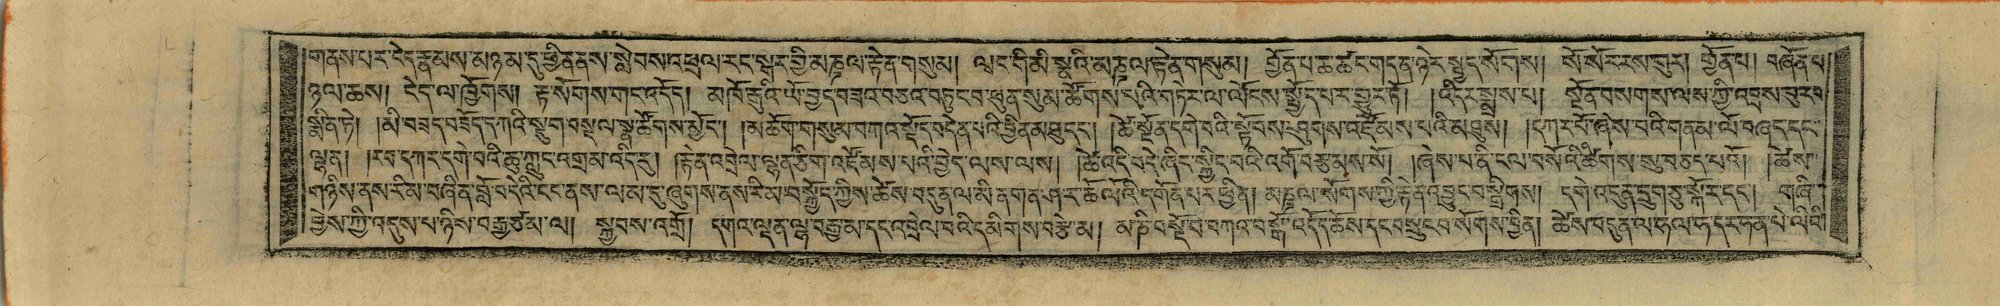གནས་པར་ངེད་རྣམས་མཉམ་དུ་ཕྱིན་ནས་སླེབས་འཕྲལ་རང་སྒར་གྱི་མཎྜལ་རྟེན་གསུམ། ཝང་གི་མི་སྣའི་མཎྜལ་རྟེན་གསུམ། གྱོན་པ་ཆ་ཚང་གདན་ཉེར་སྤྱད་སོགས། སོ་སོར་རས་གུར། གྱོན་པ། བཞོན་པ་
ཉལ་ཆས། ངེད་ལ་ཁྱོགས། རྟ་སོགས་གང་འདོད། མཁོ་རྒུའི་ཡོ་བྱད་བཟའ་བཅའ་བཏུང་བ་ཕུན་སུམ་ཚོགས་པའི་གཏེར་ལ་ལོངས་སྤྱོད་པར་གྱུར་ཏོ། །འདིར་སྨྲས་པ། སྔོན་བསགས་ལས་ཀྱི་འབྲས་བུ་རབ་
སྨིན་ཏེ། །མི་བཟད་བཟོད་དཀའི་སྡུག་བསྔལ་སྣ་ཚོགས་མྱོང་། །མཆོག་གསུམ་བཀའ་སྡོད་བདེན་པའི་བྱིན་མཐུ་དང་། །ཚེ་སྔོན་དགེ་བའི་སྟོབས་ཤུགས་འཇོམས་པའི་མཐུས། །དཀར་པོ་ཞེས་པའི་གནམ་ལོ་བཞད་དང་
ལྷན། །རབ་དཀར་དགེ་བའི་ཆུ་ཀླུང་འགྲམ་འདི་རུ། །རྟེན་འབྲེལ་ལྷན་ཅིག་འཛོམས་པའི་བྱེད་ལས་ལས། །ཚེ་འདི་བདེ་ཞིང་སྐྱིང་བའི་འགོ་བརྩམས་སོ། །ཞེས་པ་ནི་ངལ་བསོའི་ཚིགས་སུ་བཅད་པའོ། །ཚེས་
གཉིས་ནས་རིམ་བཞིན་བློ་བདེའི་ངང་ནས་ལམ་དུ་ཞུགས་ནས་རིམ་བསྐྱོད་ཀྱིས་ཚེས་བདུན་ལ་མིན་གན་ཤར་ཆོ་ལོའི་དགོན་པར་ཕྱིན། མཎྜལ་སོགས་ཀྱི་རྟེན་འབྱུང་བསྒྲིགས། དགེ་འདུན་དྲུག་ཅུ་སྐོར་དང་། གཞི་
བྱེས་ཀྱི་འདུས་པ་ཉིས་བརྒྱ་ཙམ་ལ། སྐྱབས་འགྲོ། དགའ་ལྡན་ལྷ་བརྒྱ་མ་དང་འབྲེལ་བའི་དམིགས་བརྩེ་མ། མ་ཎི་བསྔོ་བ་བཀའ་བསྒོ་འདོད་ཆོས་དང་བསྲུང་བ་སོགས་བྱིན། ཚེས་བདུན་ལ་ཧལ་ཧ་དར་ཧན་པེ་ལིའི་